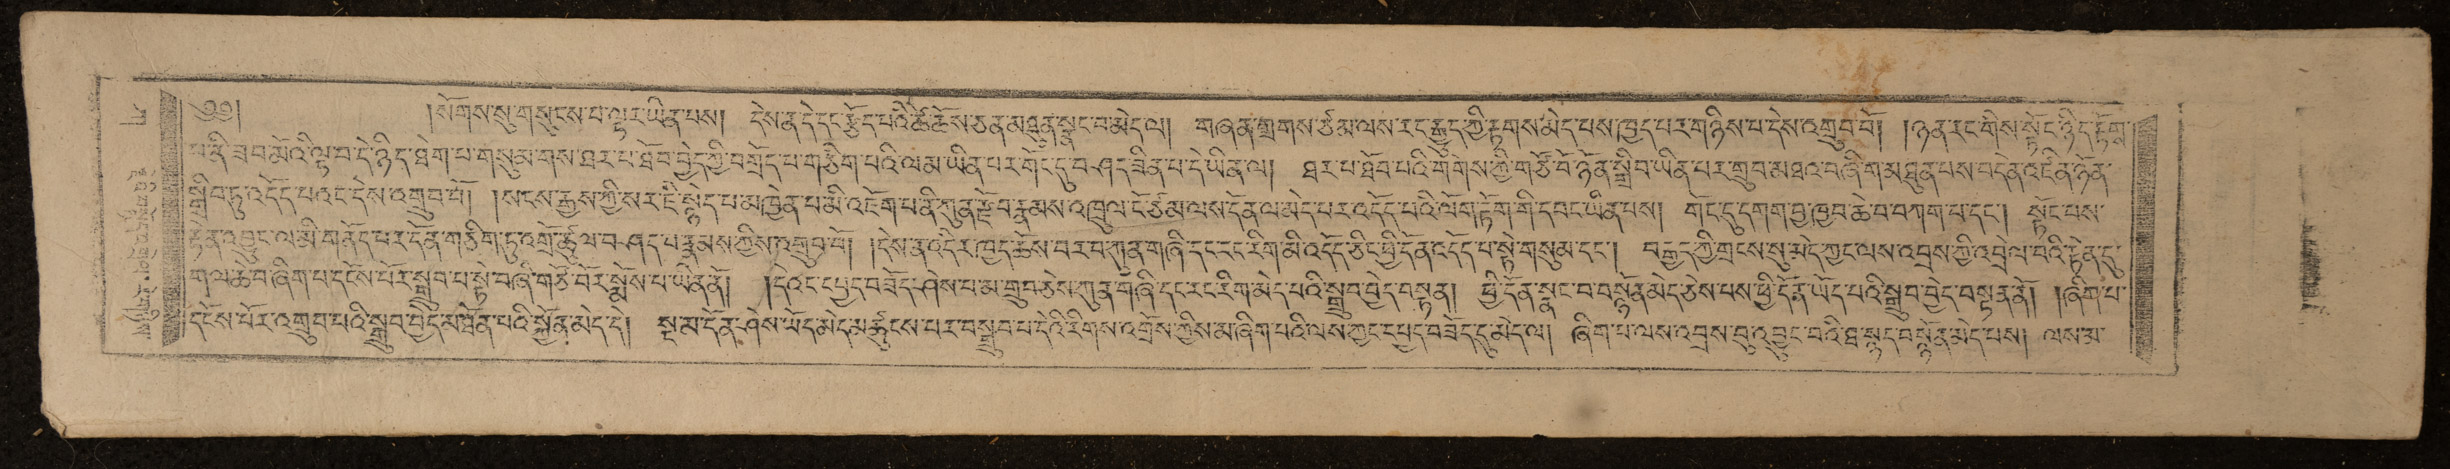༄༅། །སོགས་སུ་གསུངས་པ་ལྟར་ཡིན་པས། དེས་ན་དེ་དང་རྩོད་པའི་ཚེ་ཆོས་ཅན་མཐུན་སྣང་བ་མེད་ལ། གཞན་གྲགས་ཙམ་ལས་རང་རྒྱུད་ཀྱི་རྟགས་མེད་བས་ཁྱད་པར་གཉིས་བ་དེས་འགྲུབ་བོ། །ཉན་རང་གིས་སྟོང་ཉིད་རྟོགས་
པ་ནི་ཟབ་མོའི་ལྟ་བ་དེ་ཉིད་ཐེག་པ་གསུམ་གས་ཐར་པ་ཐོབ་བྱེད་ཀྱི་བགྲོད་པ་གཅིག་པའི་ལམ་ཡིན་པར་གོང་དུ་བཤད་ཟིན་པ་དེ་ཡིན་ལ། ཐར་པ་ཐོབ་པའི་གགས་ཀྱི་གཙོ་བོ་ཉོན་སྒྲིབ་ཡིན་པར་གྲུབ་མཐའ་བཞིག་མཐུན་པས་བདེན་འཛིན་ཉོན་
སྒྲིབ་ཏུ་འདོད་པའང་དེས་འགྲུབ་བོ། །སངས་རྒྱས་ཀྱི་སར་ཇི་སྙེད་པ་མཁྱེན་པ་མི་འཇོག་པ་ནི་ཀུན་རྫོབ་རྣམས་འཁྲུལ་ངོ་ཙམ་ལས་དོན་ལ་མེད་པར་འདོད་པའི་ལོག་རྟོག་གི་དབང་ཡིན་པས། གོང་དུ་དགག་བྱ་ཁྱབ་ཆེ་བ་བཀག་པ་དང་། སྟོང་པས་
རྟེན་འབྱུང་ལ་མི་གནོད་པར་དོན་གཅིག་ཏུ་འགྲོ་ཚུལ་བཤད་པ་རྣམས་ཀྱིས་འགྲུབ་བོ། །དེས་ན་འདིར་ཁྱད་ཆོས་བར་བ་ཀུན་གཞི་དང་རང་རིག་མི་འདོད་ཅིང་ཕྱི་དོན་འདོད་བ་སྟེ་གསུམ་དང་། བརྒྱད་ཀྱི་གྲངས་སུ་མེད་ཀྱང་ལས་འབྲས་ཀྱི་འབྲེལ་བའི་རྟེན་དུ་
གལ་ཆེ་བ་ཞིག་བ་དངོས་པོར་སྒྲུབ་བ་སྟེ་བཞི་གཙོ་བོར་སྨོས་པ་ཡིན་ནོ། །དེའང་དཔྱད་བཟོད་ཤེས་པ་མ་གྲུབ་ཅེས་ཀུན་གཞི་དང་རང་རིག་མེད་པའི་སྒྲུབ་བྱེད་བསྟན། ཕྱི་དོན་སྣང་བ་བསྙོན་མེད་ཅེས་པས་ཕྱི་དོན་ཡོད་པའི་སྒྲུབ་བྱེད་བསྟན་ནོ། །ཞིག་པ་
དངོས་པོར་འགྲུབ་བའི་སྒྲུབ་བྱེད་མཐོན་པའི་སྐྱོན་མེད་དེ། སྔ་མ་དོན་ཤེས་ཡོད་མེད་མཚུངས་པར་བསྒྲུབ་བདེའི་རིགས་འགྲོས་ཀྱིས་མ་ཞིག་པའི་ལས་ཀྱང་དཔྱད་བཟོད་དུ་མེད་ལ། ཞིག་པ་ལས་འབྲས་བུ་འབྱུང་བའི་ཐ་སྙད་བསྙོན་མེད་པས། ལས་མ་